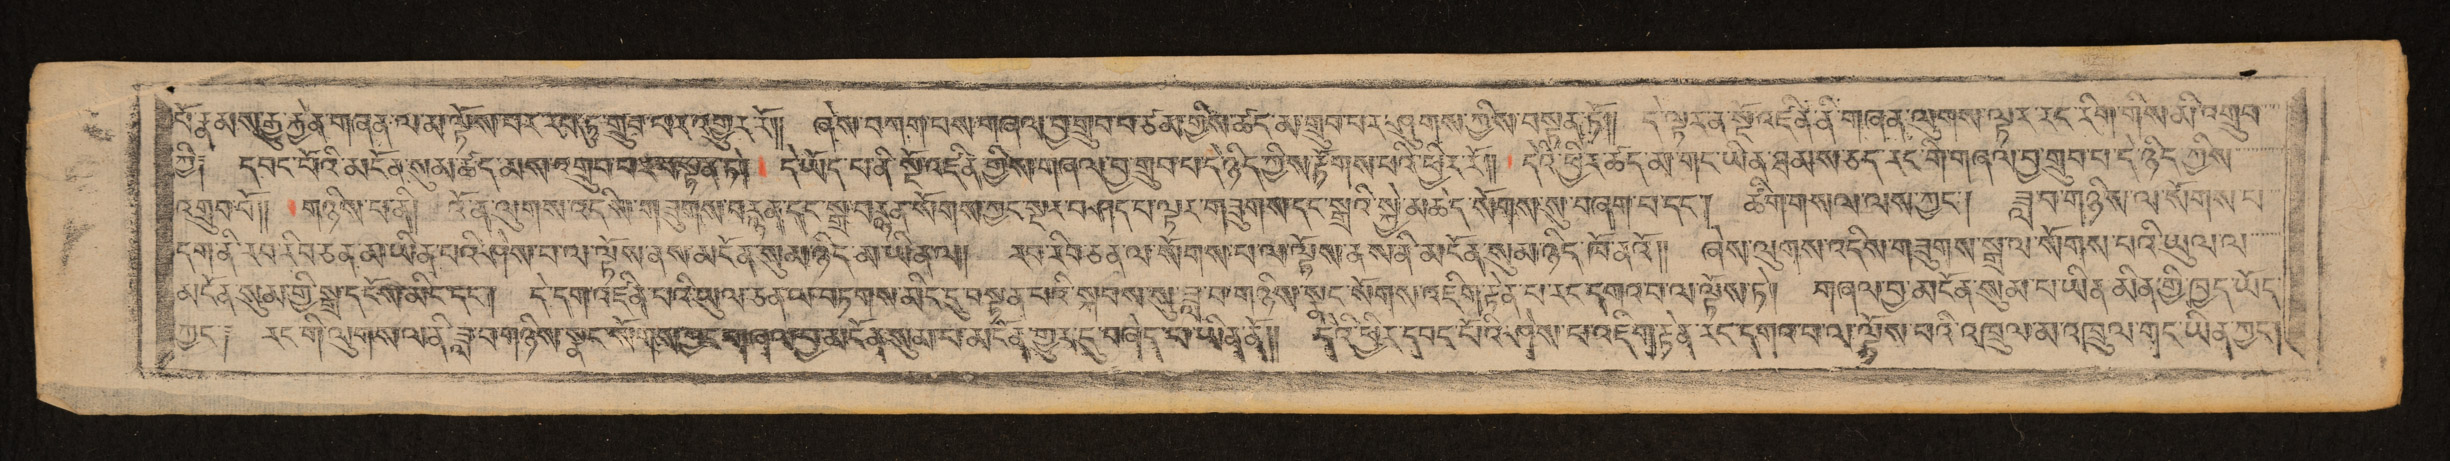པོ་རྣམས་རྒྱུ་རྐྱེན་གཞན་ལ་མ་ལྟོས་པར་རབ་ཏུ་གྲུབ་པར་འགྱུར་རོ།། ཞེས་བཀག་པས་གཞལ་བྱ་གྲུབ་པ་ཙམ་གྱིས་ཚད་མ་གྲུབ་པར་ཤུགས་ཀྱིས་བསྟན་ཏོ།། དེ་ལྟར་ན་སྔོ་འཛིན་ནི་གཞན་ལུགས་ལྟར་རང་རིག་གིས་མི་འགྲུབ་
ཀྱི༑ དབང་པོའི་མངོན་སུམ་ཚད་མས་འགྲུབ་པར་བསྟན་ཏེ། དེ་ཡོད་པ་ནི་སྔོ་འཛིན་གྱིས་གཞལ་བྱ་གྲུབ་པ་དེ་ཉིད་ཀྱིས་རྟོགས་པའི་ཕྱིར་རོ།། དེའི་ཕྱིར་ཚད་མ་གང་ཡིན་ཐམས་ཅད་རང་གི་གཞལ་བྱ་གྲུབ་པ་དེ་ཉིད་ཀྱིས་
འགྲུབ་བོ།། གཉིས་པ་ནི། འོ་ན་ལུགས་འདིས་གཟུགས་བརྙན་དང་སྒྲ་བརྙན་སོགས་ཀྱང་སྔར་བཤད་པ་ལྟར་གཟུགས་དང་སྒྲའི་སྐྱེ་མཆེད་སོགས་སུ་བཞག་པ་དང་། ཚིག་གསལ་ལས་ཀྱང་། ཟླ་བ་གཉིས་ལ་སོགས་པ་
དག་ནི་རབ་རིབ་ཅན་མ་ཡིན་པའི་ཤེས་པ་ལ་ལྟོས་ནས་མངོན་སུམ་ཉིད་མ་ཡིན་ལ། རབ་རིབ་ཅན་ལ་སོགས་པ་ལ་ལྟོས་ནས་ནི་མངོན་སུམ་ཉིད་ཁོ་ནའོ།། ཞེས་ལུགས་འདིས་གཟུགས་སྒྲ་ལ་སོགས་པའི་ཡུལ་ལ་
མངོན་སུམ་གྱི་སྒྲ་དངོས་མིང་དང་། དེ་དག་འཛིན་པའི་ཡུལ་ཅན་ལ་བཏགས་མིང་དུ་བསྟན་པའི་སྐབས་སུ་ཟླ་བ་གཉིས་སྣང་སོགས་འཇིག་རྟེན་པ་རང་དགའ་བ་ལ་ལྟོས་ཏེ། གཞལ་བྱ་མངོན་སུམ་པ་ཡིན་མིན་གྱི་ཁྱད་ཡོད་
ཀྱང༑ རང་གི་ལུགས་ལ་ནི་ཟླ་བ་གཉིས་སྣང་སོགས་ཀྱང་གཞལ་བྱ་མངོན་སུམ་པ་མངོན་གྱུར་དུ་བཞེད་པ་ཡིན་ནོ།། དེའི་ཕྱིར་དབང་པོའི་ཤེས་པ་འཇིག་རྟེན་རང་དགའ་བ་ལ་ལྟོས་པའི་འཁྲུལ་མ་འཁྲུལ་གང་ཡིན་ཀྱང་།